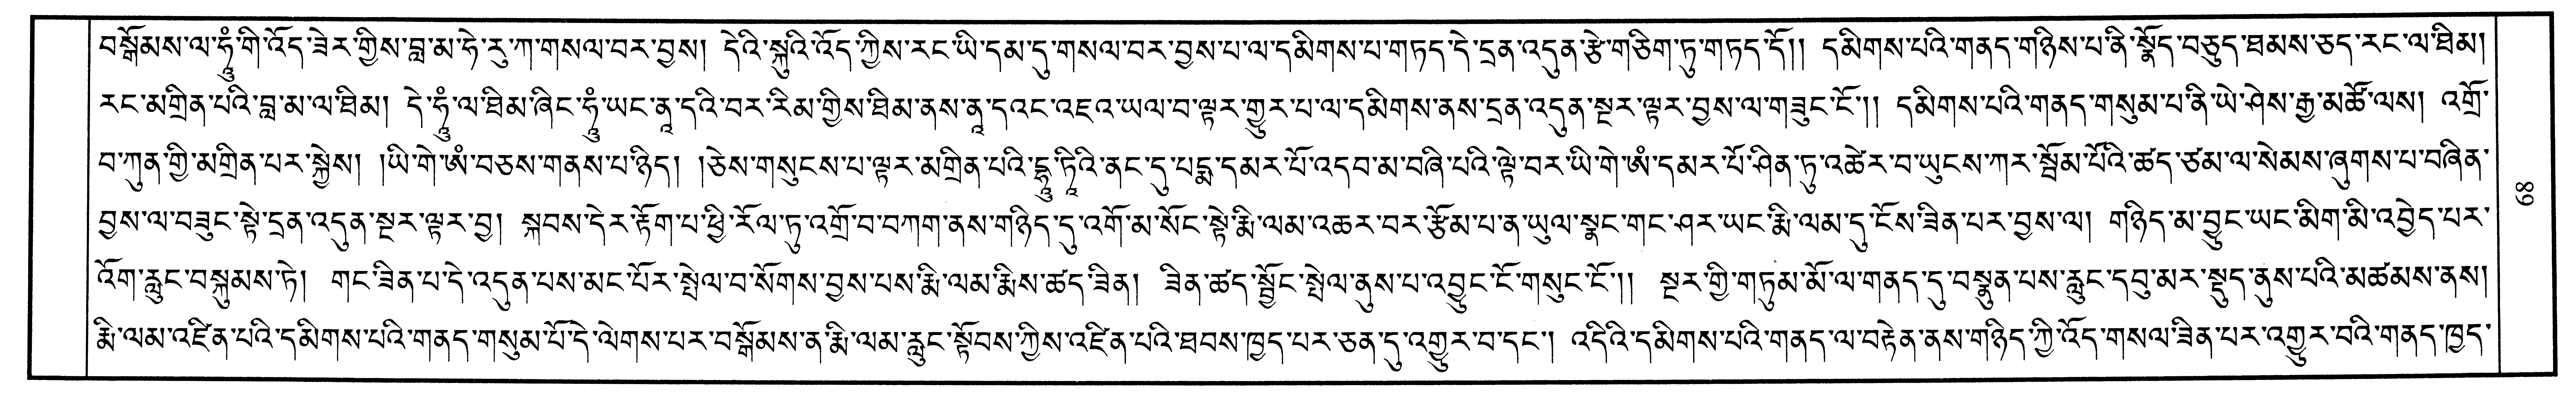བསྒོམས་ལ་ཧཱུཾ་གི་འོད་ཟེར་གྱིས་བླ་མ་ཧེ་རུ་ཀ་གསལ་བར་བྱས། དེའི་སྐུའི་འོད་ཀྱིས་རང་ཡི་དམ་དུ་གསལ་བར་བྱས་པ་ལ་དམིགས་པ་གཏད་དེ་དྲན་འདུན་རྩེ་གཅིག་ཏུ་གཏད་དོ།། དམིགས་པའི་གནད་གཉིས་པ་ནི་སྣོད་བཅུད་ཐམས་ཅད་རང་ལ་ཐིམ།
རང་མགྲིན་པའི་བླ་མ་ལ་ཐིམ། དེ་ཧཱུཾ་ལ་ཐིམ་ཞིང་ཧཱུཾ་ཡང་ནཱ་དའི་བར་རིམ་གྱིས་ཐིམ་ནས་ནཱ་དའང་འཇའ་ཡལ་བ་ལྟར་གྱུར་པ་ལ་དམིགས་ནས་དྲན་འདུན་སྔར་ལྟར་བྱས་ལ་གཟུང་ངོ།། དམིགས་པའི་གནད་གསུམ་པ་ནི་ཡེ་ཤེས་རྒྱ་མཚོ་ལས། འགྲོ་
བ་ཀུན་གྱི་མགྲིན་པར་སྐྱེས། །ཡི་གེ་ཨཾ་བཅས་གནས་པ་ཉིད། །ཅེས་གསུངས་པ་ལྟར་མགྲིན་པའི་དྷཱུ་ཏཱིའི་ནང་དུ་པདམ་དམར་པོ་འདབ་མ་བཞི་པའི་ལྟེ་བར་ཡི་གེ་ཨཾ་དམར་པོ་ཤིན་ཏུ་འཚེར་བ་ཡུངས་ཀར་སྦོམ་པོའི་ཚད་ཙམ་ལ་སེམས་ཞུགས་པ་བཞིན་
བྱས་ལ་བཟུང་སྟེ་དྲན་འདུན་སྔར་ལྟར་བྱ། སྐབས་དེར་རྟོག་པ་ཕྱི་རོལ་ཏུ་འགྲོ་བ་བཀག་ནས་གཉིད་དུ་འགོ་མ་སོང་སྟེ་རྨི་ལམ་འཆར་བར་རྩོམ་པ་ན་ཡུལ་སྣང་གང་ཤར་ཡང་རྨི་ལམ་དུ་ངོས་ཟིན་པར་བྱས་ལ། གཉིད་མ་བྱུང་ཡང་མིག་མི་འབྱེད་པར་
འོག་རླུང་བསྐུམས་ཏེ། གང་ཟིན་པ་དེ་འདུན་པས་མང་པོར་སྤེལ་བ་སོགས་བྱས་པས་རྨི་ལམ་རྨིས་ཚད་ཟིན། ཟིན་ཚད་སྦྱོང་སྤེལ་ནུས་པ་འབྱུང་ངོ་གསུང་ངོ། སྔར་གྱི་གཏུམ་མོ་ལ་གནད་དུ་བསྣུན་པས་རླུང་དབུ་མར་སྡུད་ནུས་པའི་མཚམས་ནས།
རྨི་ལམ་འཛིན་པའི་དམིགས་པའི་གནད་གསུམ་པོ་དེ་ལེགས་པར་བསྒོམས་ན་རྨི་ལམ་རླུང་སྟོབས་ཀྱིས་འཛིན་པའི་ཐབས་ཁྱད་པར་ཅན་དུ་འགྱུར་བ་དང་། འདིའི་དམིགས་པའི་གནད་ལ་བརྟེན་ནས་གཉིད་ཀྱི་འོད་གསལ་ཟིན་པར་འགྱུར་བའི་གནད་ཁྱད་